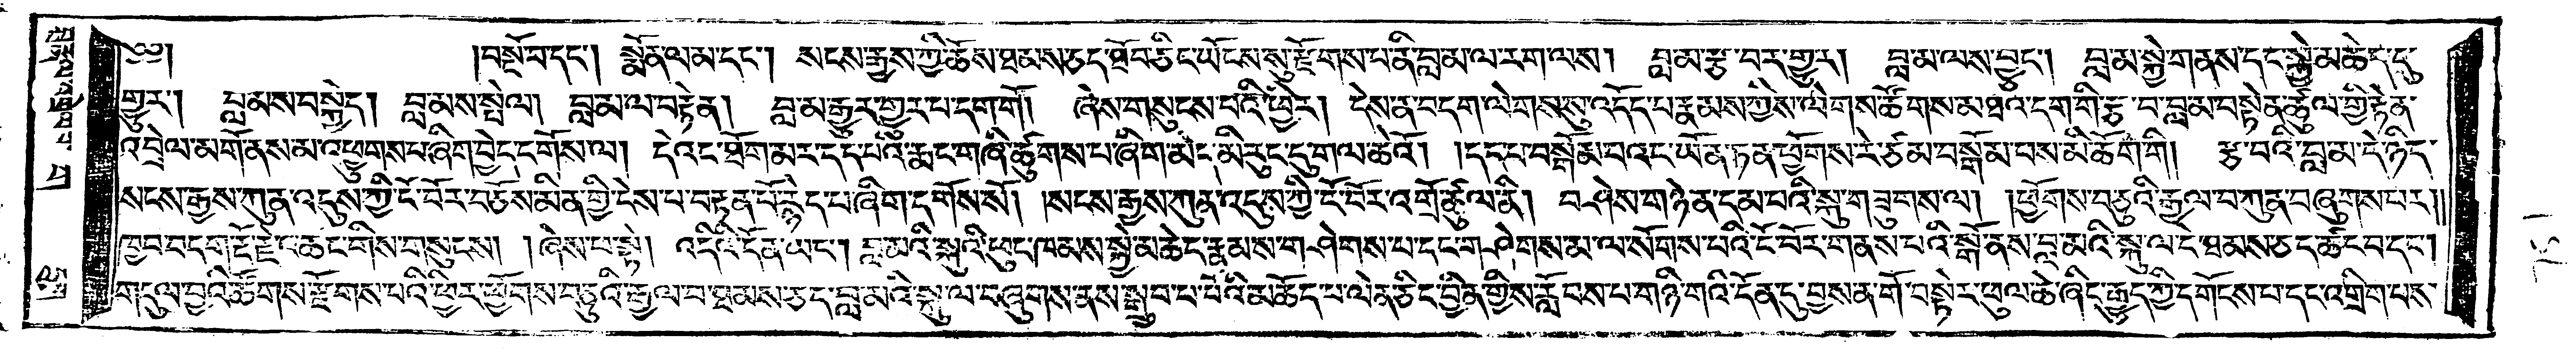༄༅། །བསྔོ་པ་དང་། སྨོན་ལམ་དང་། སངས་རྒྱས་ཀྱི་ཆོས་ཐམས་ཅད་ཐོབ་ཅིང་ཡོངས་སུ་རྫོགས་པ་ནི་བླ་མ་ལ་རག་ལས། བླ་མ་རྩ་བར་གྱུར། བླ་མ་ལས་བྱུང་། བླ་མ་སྐྱེ་གནས་དང་སྐྱེ་མཆོད་དུ་
གྱུར། བླ་མས་བསྐྱེད། བླ་མས་སྤེལ། བླ་མ་ལ་བརྟེན། བླ་མ་རྒྱུར་གྱུར་པ་དག་གོ། །ཞེས་གསུངས་པའི་ཕྱིར། དེས་ན་བདག་ལེགས་སུ་འདོད་པ་རྣམས་ཀྱིས་ལེགས་ཚོགས་མཐའ་དག་གི་རྩ་བ་བླ་མ་བསྟེན་ཚུལ་གྱི་རྟེན་
འབྲེལ་མགོ་ནས་མ་འཕྱུགས་པ་ཞིག་བྱེད་དགོས་ལ། དེའང་ཐོག་མར་དད་པའི་རྨང་གཞི་ཚུགས་པ་ཞིག་མེད་མི་རུང་དུ་གལ་ཆེའོ། །དད་པ་བསྒོམ་པའང་ཡོན་ཏན་ཕྱོགས་རེ་ཙམ་བསྒོམ་པས་མི་ཆོག་གི། རྩ་བའི་བླ་མ་དེ་ཉིད་
སངས་རྒྱས་ཀུན་འདུས་ཀྱི་ངོ་བོར་བཅོས་མིན་གྱི་ངེས་པ་བརྟན་པོ་རྙེད་པ་ཞིག་དགོས་སོ། །སངས་རྒྱས་ཀུན་འདུས་ཀྱི་ངོ་བོར་འགྲོ་ཚུལ་ནི། བཤེས་གཉེན་དམ་པའི་སྐུ་གཟུགས་ལ། །ཕྱོགས་བཅུའི་རྒྱལ་བ་ཀུན་བཞུགས་པར།།
ཁྱབ་བདག་རྡོ་རྗེ་འཆང་གིས་གསུངས། །ཞེས་པ་སྟེ། འདིའི་དོན་ཡང་། བླ་མའི་སྐུའི་ཕུང་ཁམས་སྐྱེ་མཆེད་རྣམས་གཤེགས་པ་དང་གཤེགས་མ་ལ་སོགས་པའི་ངོ་བོར་གནས་པའི་སྒོ་ནས་བླ་མའི་སྐུ་ལ་དེ་ཐམས་ཅད་ཚང་བ་དང་།
གདུལ་བྱའི་ཚོགས་རྫོགས་པའི་ཕྱིར་ཕྱོགས་བཅུའི་རྒྱལ་བ་ཐམས་ཅད་བླ་མའི་སྐུ་ལ་བཞུགས་ནས་སྒྲུབ་པ་པོའི་མཆོད་པ་ལེན་ཅིང་བྱིན་གྱིས་རློབས་པ་གཉི་གའི་དོན་དུ་བྱས་ན་གོ་བསྟེར་ཕུལ་ཆེ་ཞིང་རྒྱུད་ཀྱི་དགོངས་པ་དང་འགྲིག་པས་